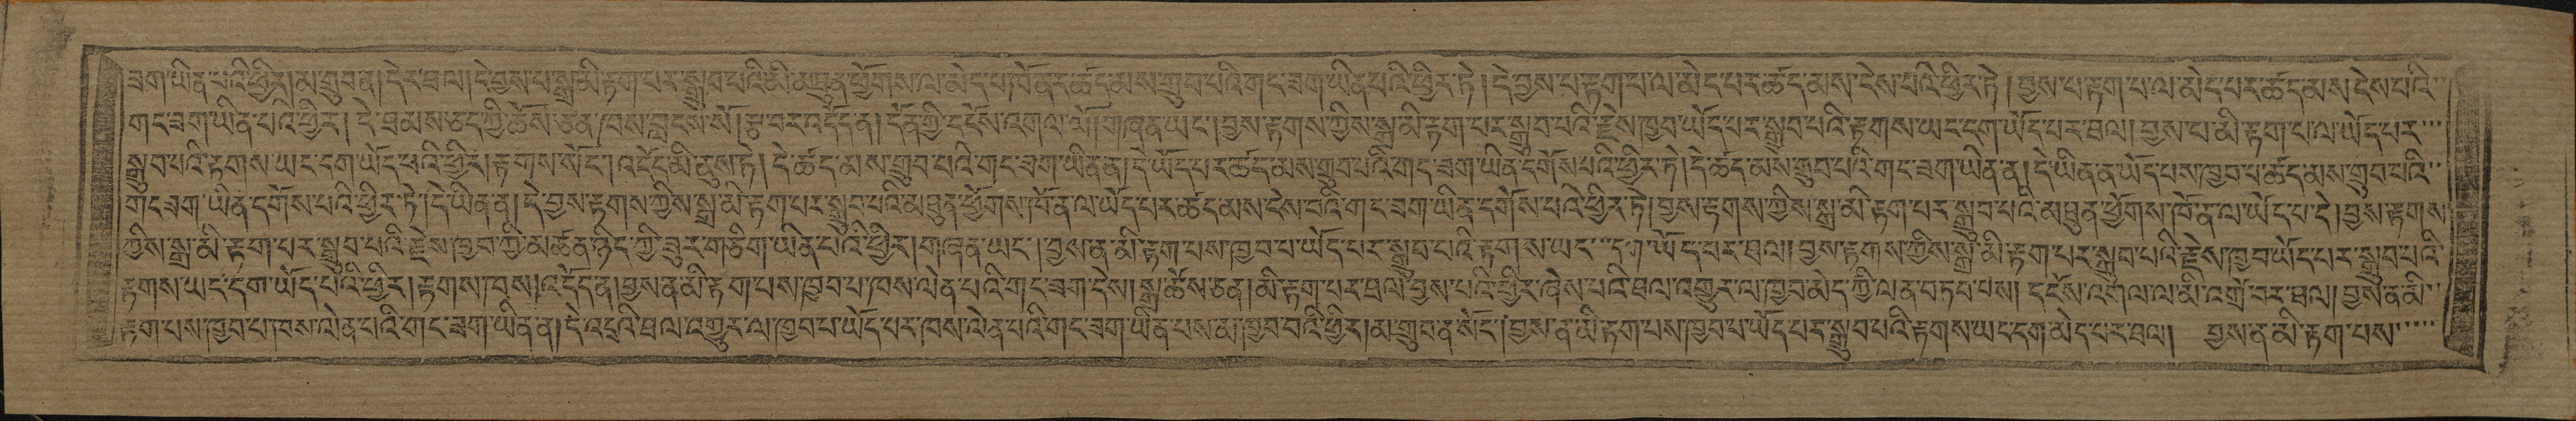ཟག་ཡིན་པའི་ཕྱིར། མ་གྲུབ་ན། དེར་ཐལ། དེ་བྱས་པ་སྒྲ་མི་རྟག་པར་སྒྲུབ་པའི་མི་མཐུན་ཕྱོགས་ལ་མེད་པ་ཁོ་ནར་ཚད་མས་གྲུབ་པའི་གང་ཟག་ཡིན་པའི་ཕྱིར་ཏེ། དེ་བྱས་པ་རྟག་པ་ལ་མེད་པར་ཚད་མས་ངེས་པའི་ཕྱིར་ཏེ། བྱས་པ་རྟག་པ་ལ་མེད་པར་ཚད་མས་ངེས་པའི་
གང་ཟག་ཡིན་པའི་ཕྱིར། དེ་ཐམས་ཅད་ཀྱི་ཆོས་ཅན་ཁས་བླངས་སོ། རྩ་བར་འདོད་ན། དོན་གྱི་དངོས་འགལ་ལོ། གཞན་ཡང་། བྱས་རྟགས་ཀྱིས་སྒྲ་མི་རྟག་པར་སྒྲུབ་པའི་རྗེས་ཁྱབ་ཡོད་པར་སྒྲུབ་པའི་རྟགས་ཡང་དག་ཡོད་པར་ཐལ། བྱས་པ་མི་རྟག་པ་ལ་ཡོད་པར་
སྒྲུབ་པའི་རྟགས་ཡང་དག་ཡོད་པའི་ཕྱིར། རྟགས་སོང་། འདོད་མི་ནུས་ཏེ། དེ་ཚད་མས་གྲུབ་པའི་གང་ཟག་ཡིན་ན། དེ་ཡོད་པར་ཚད་མས་གྲུབ་པའི་གང་ཟག་ཡིན་དགོས་པའི་ཕྱིར་ཏེ། དེ་ཚད་མས་གྲུབ་པའི་གང་ཟག་ཡིན་ན། དེ་ཡིན་ན་ཡོད་པས་ཁྱབ་པ་ཚད་མས་གྲུབ་པའི་
གང་ཟག་ཡིན་དགོས་པའི་ཕྱིར་ཏེ། དེ་ཡིན་ན། དེ་བྱས་རྟགས་ཀྱིས་སྒྲ་མི་རྟག་པར་སྒྲུབ་པའི་མཐུན་ཕྱོགས་ཁོ་ན་ལ་ཡོད་པར་ཚད་མས་ངེས་པའི་གང་ཟག་ཡིན་དགོས་པའི་ཕྱིར་ཏེ། བྱས་རྟགས་ཀྱིས་སྒྲ་མི་རྟག་པར་སྒྲུབ་པའི་མཐུན་ཕྱོགས་ཁོ་ན་ལ་ཡོད་པ་དེ། བྱས་རྟགས་
ཀྱིས་སྒྲ་མི་རྟག་པར་སྒྲུབ་པའི་རྗེས་ཁྱབ་ཀྱི་མཚན་ཉིད་ཀྱི་ཟུར་གཅིག་ཡིན་པའི་ཕྱིར། གཞན་ཡང་། བྱས་ན་མི་རྟག་པས་ཁྱབ་པ་ཡོད་པར་སྒྲུབ་པའི་རྟགས་ཡང་དག་ཡོད་པར་ཐལ། བྱས་རྟགས་ཀྱིས་སྒྲ་མི་རྟག་པར་སྒྲུབ་པའི་རྗེས་ཁྱབ་ཡོད་པར་སྒྲུབ་པའི་
རྟགས་ཡང་དག་ཡོད་པའི་ཕྱིར། རྟགས་ཁས། འདོད་ན། བྱས་ན་མི་རྟག་པས་ཁྱབ་པ་ཁས་ལེན་པའི་གང་ཟག་དེས། སྒྲ་ཆོས་ཅན། མི་རྟག་པར་ཐལ་བྱས་པའི་ཕྱིར་ཞེས་པའི་ཐལ་འགྱུར་ལ་ཁྱབ་མེད་ཀྱི་ལན་བཏབ་པས། དངོས་འགལ་ལ་མི་འགྲོ་བར་ཐལ། བྱས་ན་མི་
རྟག་པས་ཁྱབ་པ་ཁས་ལེན་པའི་གང་ཟག་ཡིན་ན། དེ་འདྲའི་ཐལ་འགྱུར་ལ་ཁྱབ་པ་ཡོད་པར་ཁས་ལེན་པའི་གང་ཟག་ཡིན་པས་མ་ཁྱབ་པའི་ཕྱིར། མ་གྲུབ་ན་སོང་། བྱས་ན་མི་རྟག་པས་ཁྱབ་པ་ཡོད་པར་སྒྲུབ་པའི་རྟགས་ཡང་དག་མེད་པར་ཐལ། བྱས་ན་མི་རྟག་པས་